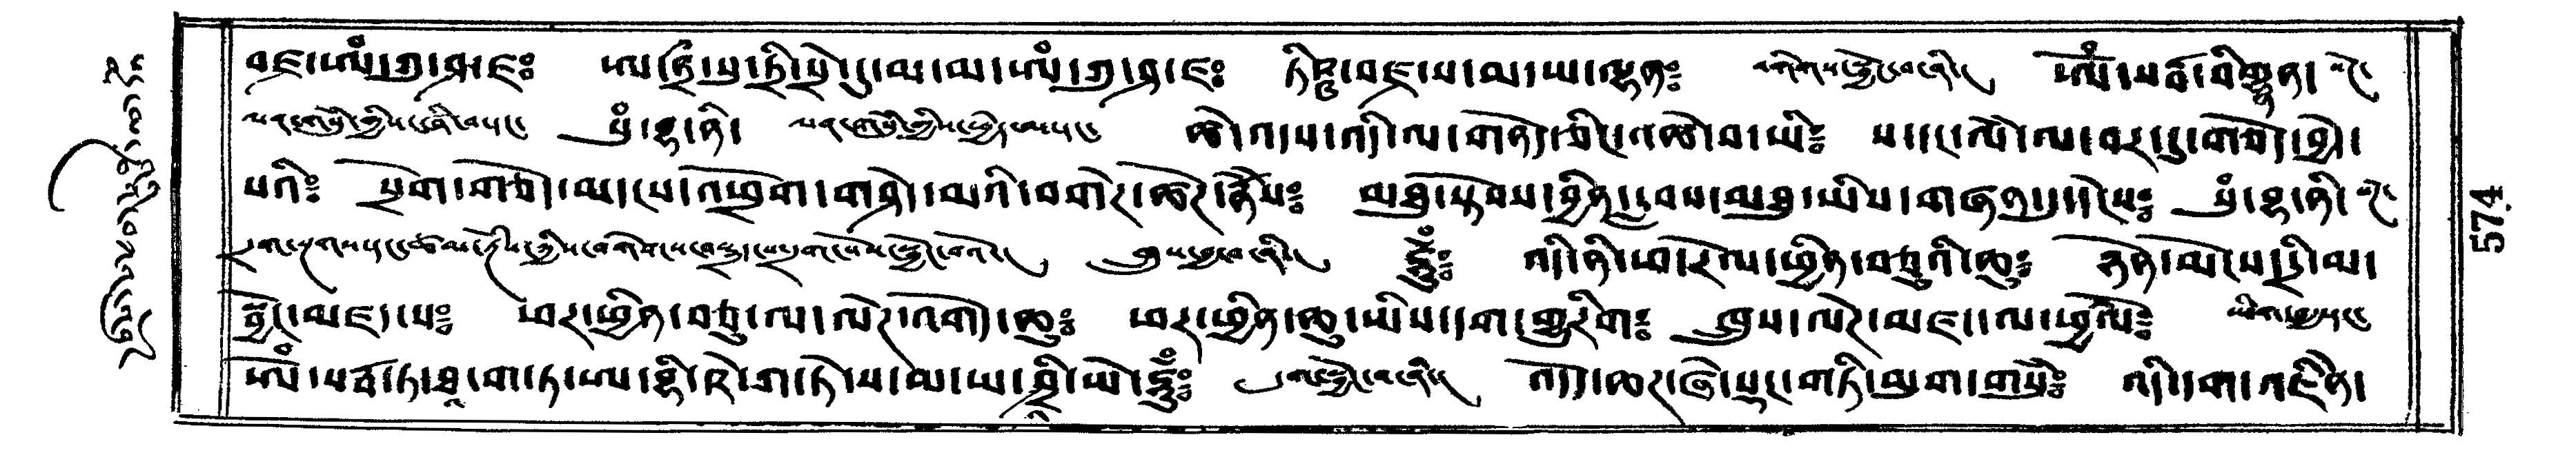བཛྲ་ཨཾ་ཀུ་ཤ་ཛཿ ཨ་ནྲྀ་སུ་ཏྲི་པྲེ་དུ་མ་མ་ཨཾ་ཀུ་ཤ་ཛཿ ཏིཥྛ་བཛྲ་ས་མ་ཡ་ལྷན༔ བགེགས་སྦྱོང་བ་ནི། ཨོཾ་སརྦ་བིགྷྣན༴ སོགས། 
ལན་གསུམ་གྱིས་ཞི་བ་དང་། སུམ་བྷ་ནི༴ ལན་གསུམ་གྱིས་ཕྱེད་མ་དང་། ཚེ་འདས་འདི་ལ་གནོད་ཅིང་འཚེ་བ་ཡི༔ ས་དང་ལམ་ལ་བར་དུ་གཅོད་བྱེད་
པའི༔ སྲོག་གཅོད་མདངས་འཕྲོག་གཤེད་མའི་བགེགས་ཚོགས་རྣམས༔ མཐུ་སྟོབས་བྱིན་རླབས་མཐུ་ཡིས་གཞན་དུ་དེངས༔ སུམ་བྷ་ནི༴ སོགས། 
དྲག་སྔགས་དང་ཚམ་རྔམས་ཀྱིས་བགེགས་བསྐྲད་པ་དྲག་པོས་སྦྱོང་བའོ། ཁྲུས་བྱ་བ་ནི། ཧཱུྃ༔ འདི་ནི་ཕ་རོལ་ཕྱིན་བཅུའི་ཆུ༔ ཉོན་མོངས་དྲི་མ་
སྦྱོང་མཛད་པ༔ ཕར་ཕྱིན་བཅུ་ལ་ལེགས་འགོད་ཆུ༔ ཕར་ཕྱིན་ཆུ་ཡིས་དག་གྱུར་ཅིག༔ ཁྲུས་ལེགས་མཛད་ལ་ཕྱག་འཚལ་ལོ༔ ཡིག་བརྒྱ་དང་། 
ཨོཾ་སརྦ་ཏ་ཐཱ་ག་ཏ་ཨ་བྷི་རི་ཀ་ཏེ་ས་མ་ཡ་ཤྲཱི་ཡེ་ཧཱུྃ༔ དུག་སྦྱོང་བ་ནི། འདོད་ཆགས་ཞེ་སྡང་གཏི་མུག་གསུམ༔ འདི་དག་འཇིག་རྟེན་